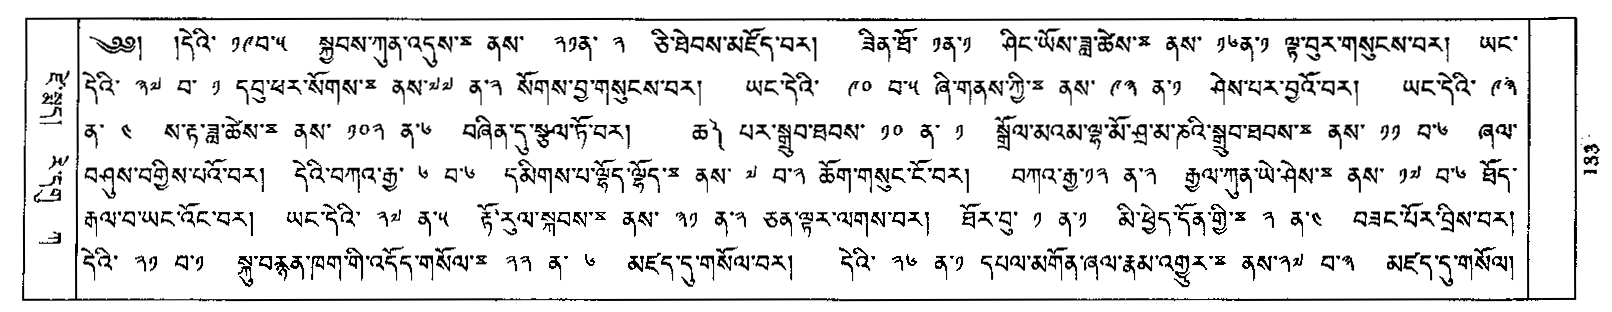༄༅། །དེའི ༡༩་བ ༥་སྐྱབས་ཀུན་འདུས་྾་ནས ༢༡་ན ༢་ཅི་ཐེབས་མཛོད་བར། ཟིན་ཐོ ༡་ན ༡་ཤིང་ཡོས་ཟླ་ཚེས་྾་ནས ༡༦་ན ༡་ལྟ་བུར་གསུངས་བར། ཡང་
དེའི ༣༧་བ ༡་དབུ་ཕར་སོགས་྾་ནས ༧༧་ན ༢་སོགས་བྱ་གསུངས་བར། ཡང་དེའི ༩༠་བ ༥་ཞི་གནས་ཀྱི་྾་ནས ༩༣་ན ༡་ཤེས་པར་བྱའོ་བར། ཡང་དེའི ༩༣
ན ༤་ས་རྟ་ཟླ་ཚེས་྾་ནས ༡༠༢་ན ༦་བཞིན་དུ་སྩལ་ཏོ་བར། ཆ྄་པར་སྒྲུབ་ཐབས ༡༠་ནས ༡་སྒྲོལ་མའམ་ལྷ་མོ་ཤྲ་མ་ཎའི་སྒྲུབ་ཐབས་྾་ནས ༡༡་བ ༦་ཞལ་
བཤུས་བགྱིས་པའོ་བར། དེའི་བཀའ་རྒྱ ༦་བ ༦་དམིགས་པ་ལྷོད་ལྷོད་྾་ནས ༧་བ ༢་ཆོག་གསུང་ངོ་བར། བཀའ་རྒྱ ༡༢་ན ༢་རྒྱལ་ཀུན་ཡེ་ཤེས་྾་ནས ༡༧་བ ༦་ཐོད་
རྒལ་བ་ཡང་འོང་བར། ཡང་དེའི ༢༧་ན ༥་རྟོ་རུལ་སྐབས་྾་ནས ༣༡་ན ༢་ཅན་ལྟར་ལགས་བར། ཐོར་བུ ༡་ན ༡་མི་ཕྱེད་དོན་གྱི་྾ ༢་ན ༤་བཟང་པོར་བྲིས་བར།
དེའི ༢༡་བ ༡་སྐུ་བརྙན་ཁག་གི་འདོད་གསོལ་྾ ༢༢་ན ༦་མཛད་དུ་གསོལ་བར། དེའི ༢༦་ན ༡་དཔལ་མགོན་ཞལ་རྣམ་འགྱུར་྾་ནས ༢༧་བ ༣་མཛད་དུ་གསོལ།